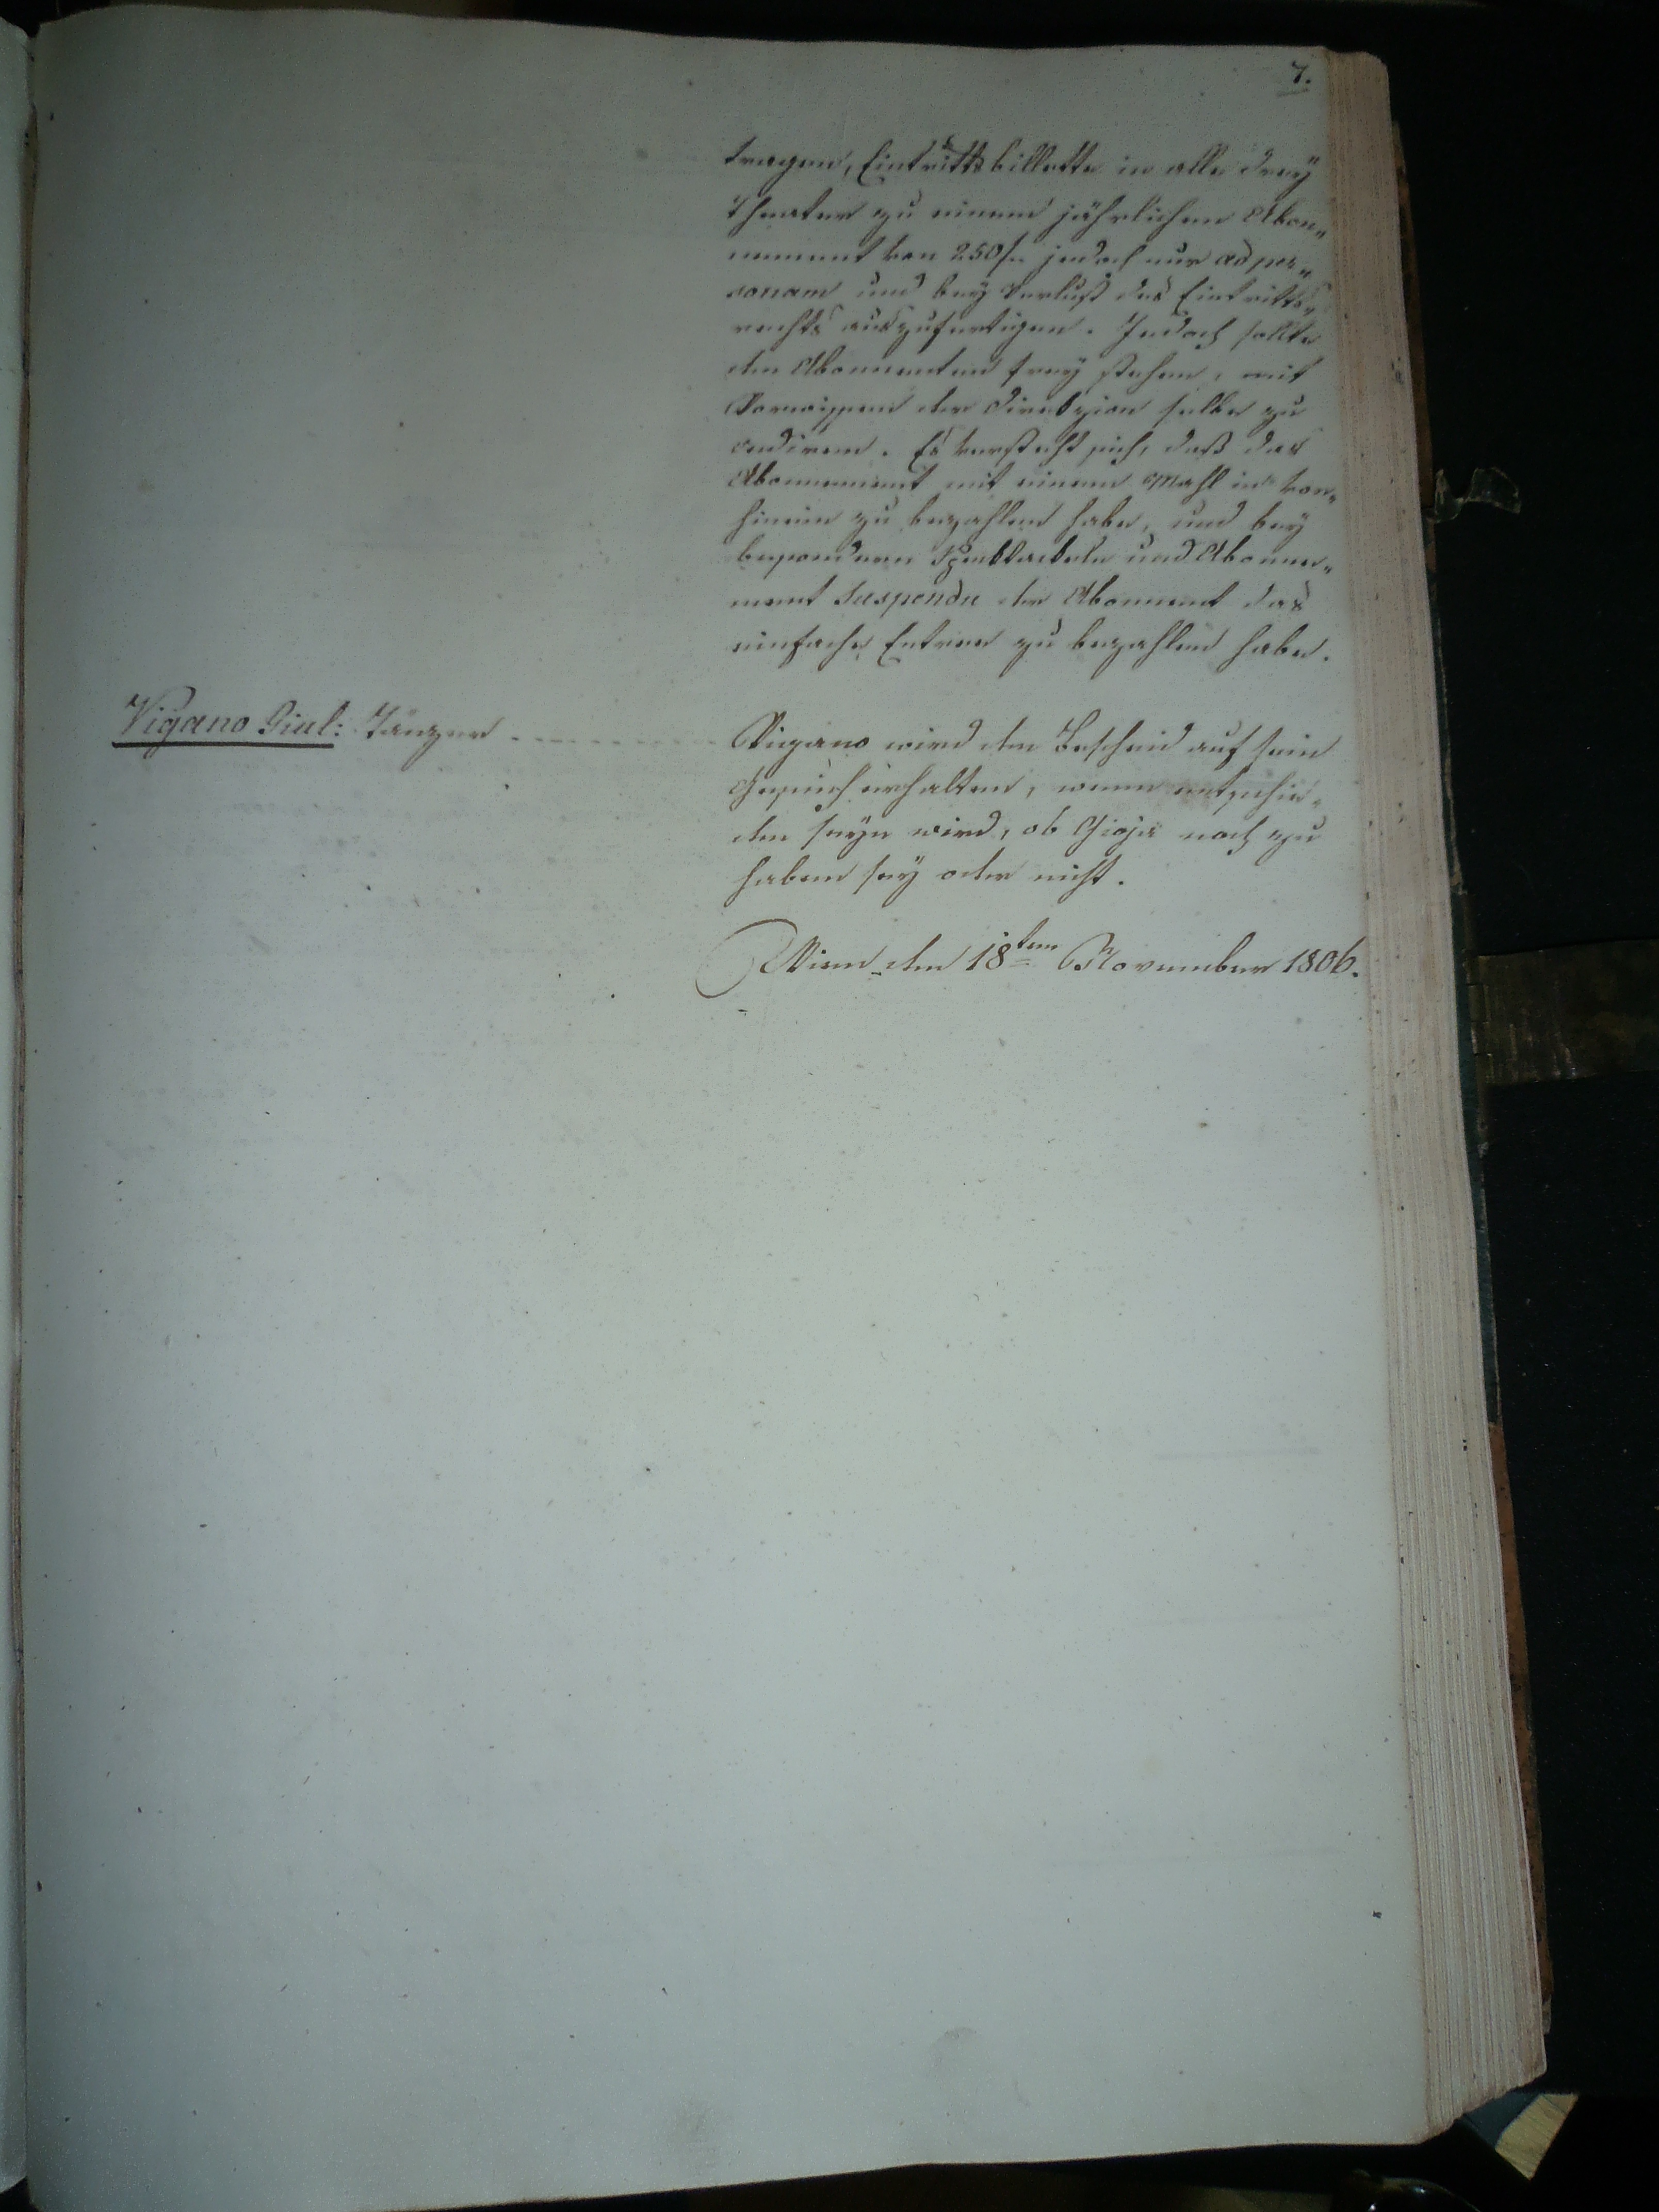7.
tragen, Eintrittsbillette in alle drey
Theater zu einem jährlichen Abon¬
nement von 250 fn jedoch nur ad per¬
sonam und bey Verlust des Eintritts¬
rechts auszufertigen. Jedoch sollte
den Abonnenten frey stehen, mit
Vorwissen der Direkzion selbe zu
sediren. Es versteht sich, daß der
Abonnent mit einem Mahl in vor¬
hinein zu bezahlen habe, und bey
besonderen Spektackeln und Abonne¬
ment Suspendu der Abonnent
einfache Entree zu bezahlen habe.
Vigano Giul: Tänzer ……….. Vigano wird den Bescheid auf sein
Gesuch erhalten, wenn entschie¬
den seyn wird, ob Gioja noch zu
haben sey oder nicht.
Wien den 18te͇n November 1806.